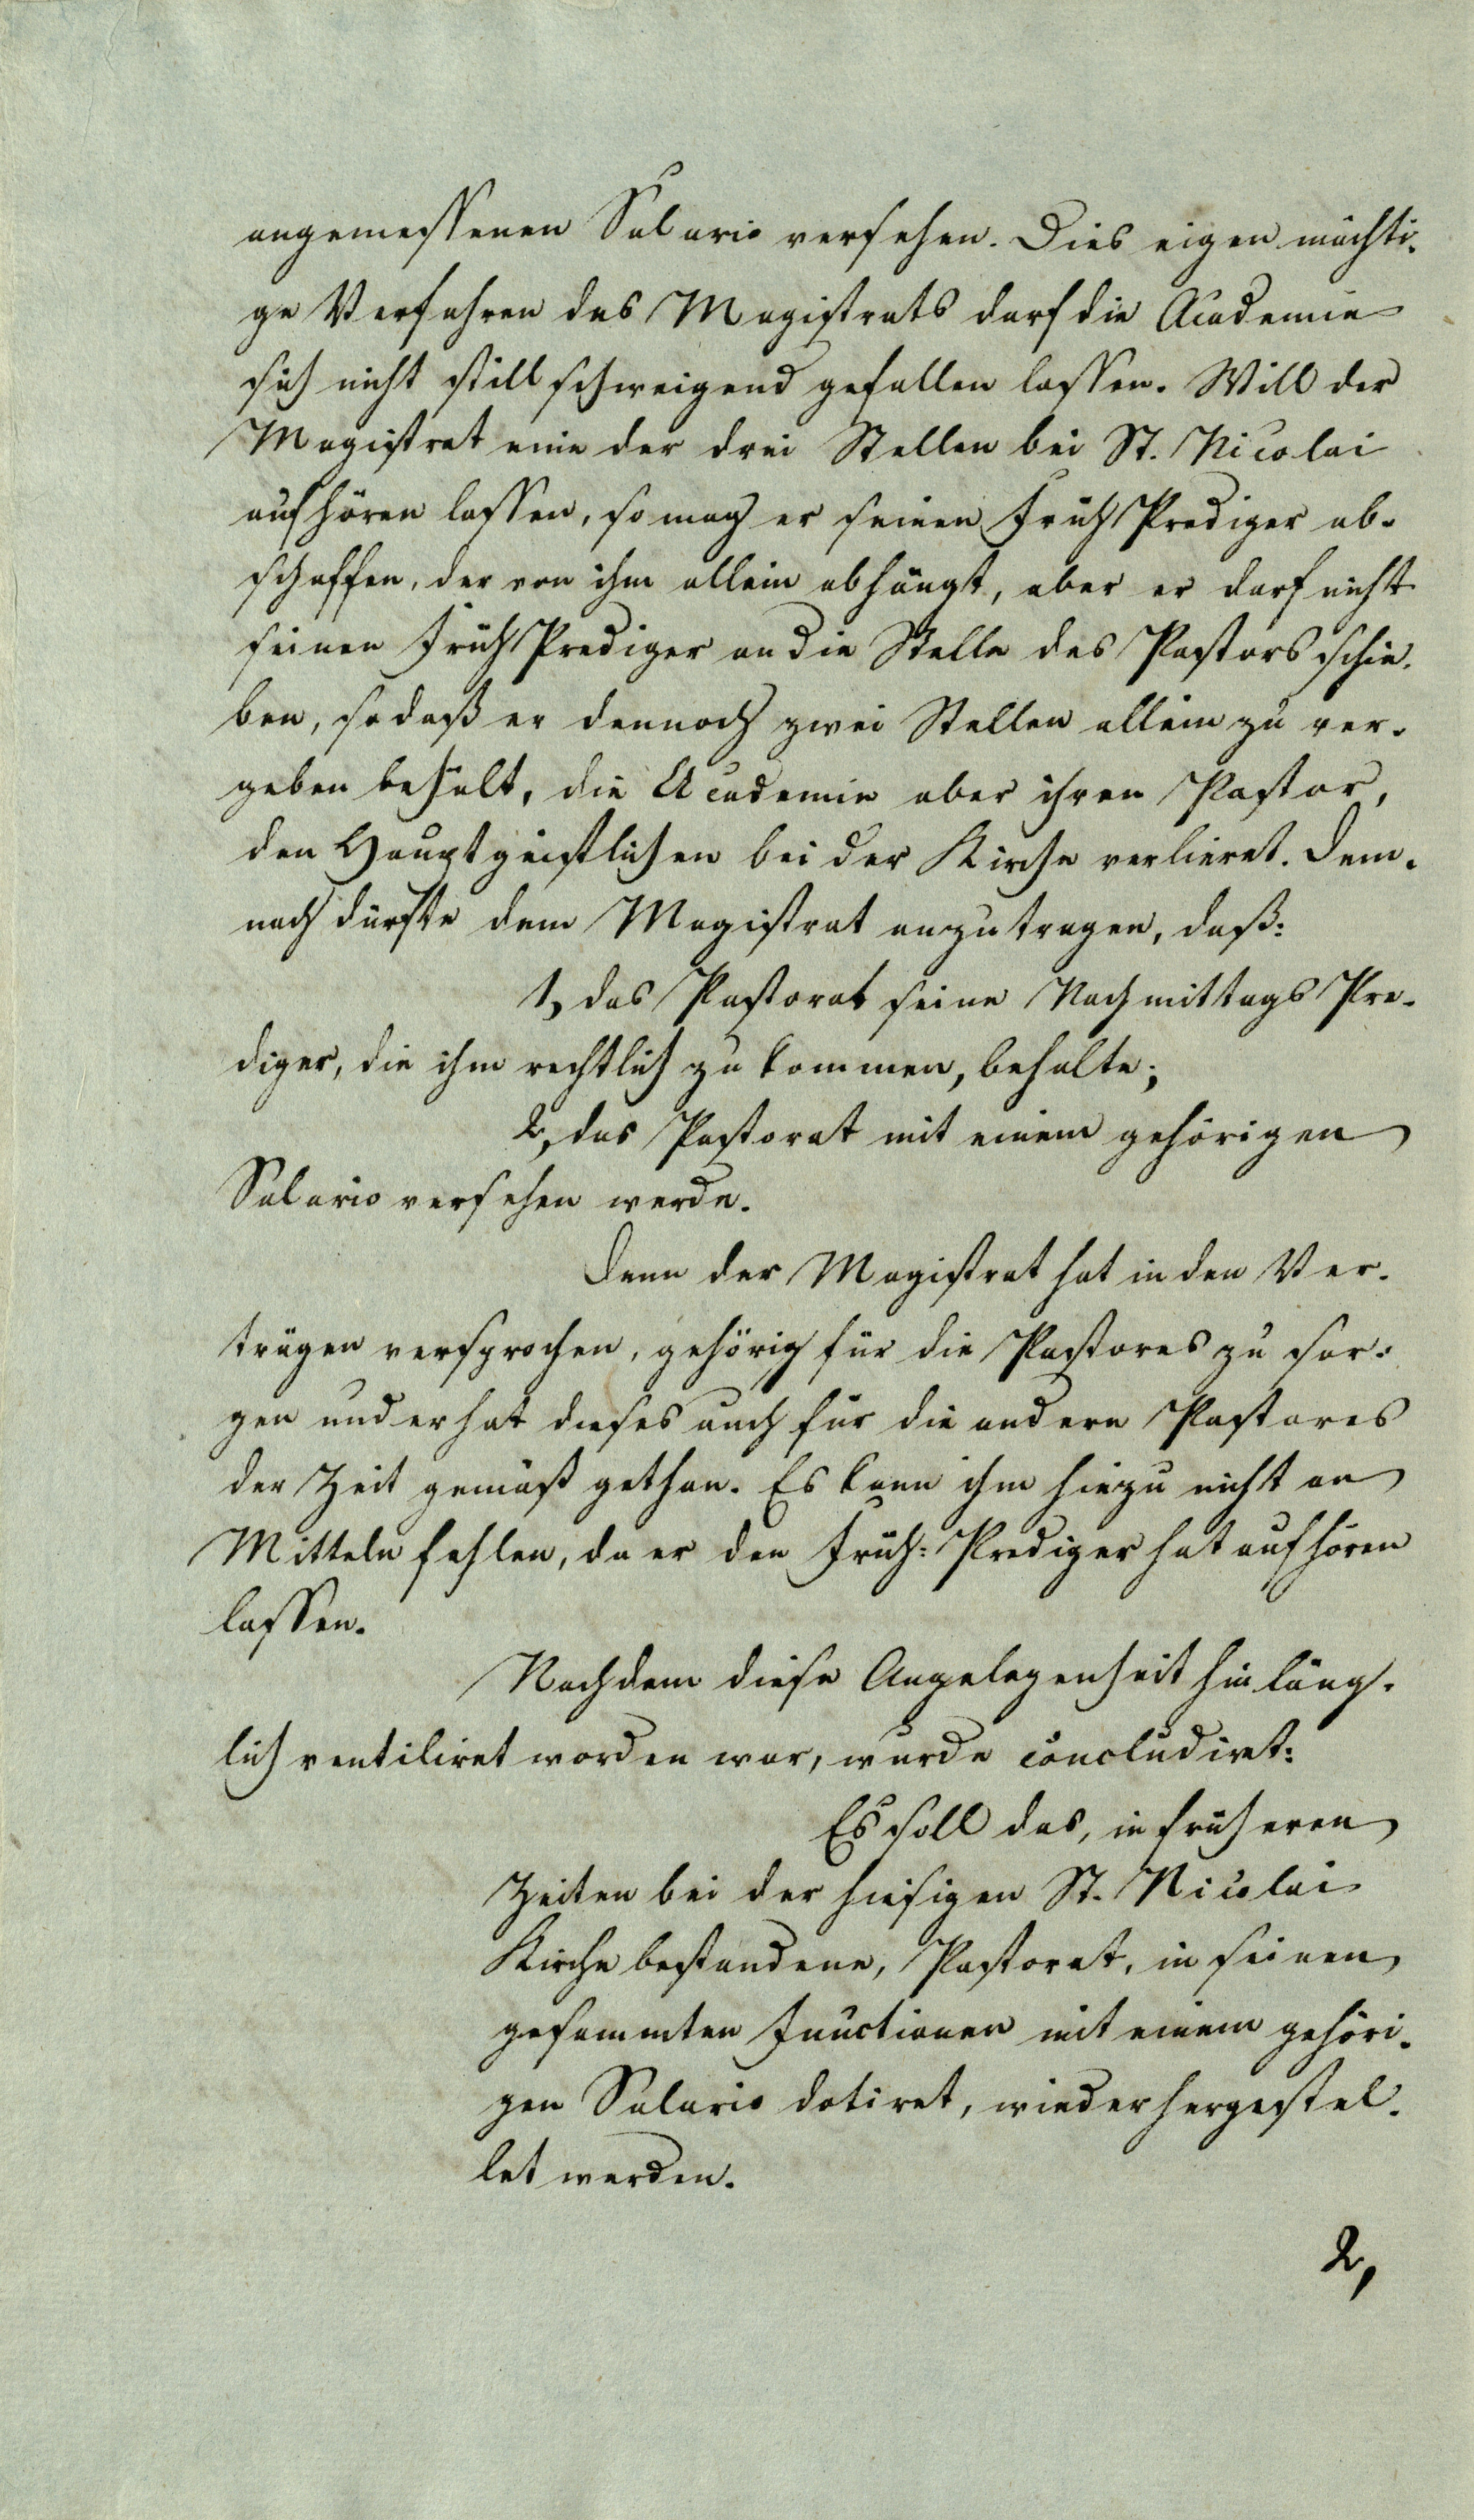angemessenen Salario versehen. Dies eigenmächti¬
ge Verfahren des Magistrats darf die Academie
sich nicht still schweigend gefallen lassen. Will der
Magistrat eine der drei Stellen bei St. Nicolai
aufhören lassen, so mag er seinen Früh Prediger ab¬
schaffen, der von ihm allein abhängt, aber er darf nicht
seinen Früh Prediger an die Stelle des Pastors schie¬
ben, so daß er dennoch zwei Stellen allein zu ver¬
geben behält, die Academie aber ihren Pastor,
den Hauptgeistlichen bei der Kirche verlieret. Dem¬
nach dürfte dem Magistrat anzutragen, daß:
1. das Pastorat seine Nachmittags Pre¬
diger, die ihm rechtlich zu kommen, behalte;
2. das Pastorat mit einem gehörigen
Salario versehen werde.
Denn der Magistrat hat in den Ver¬
trägen versprochen, gehörig für die Pastores zu sor¬
gen und er hat dieses auch für die andern Pastores
der Zeit gemäß gethan. Es kannn ihm hiezu nicht an
Mitteln fehlen, da er den Früh Prediger hat aufhören
lassen.
Nachdem diese Angelegenheit hinläng¬
lich ventiliret worden war, wurde concludiret:
Es soll das, in früheren
Zeiten bei der hiesigen St. Nicolai
Kirche bestandene, Pastorat, in seinen
gesammten Functionen mit einem gehöri¬
gen Salario dotiret, wiederhergestel¬
let werden.
2,